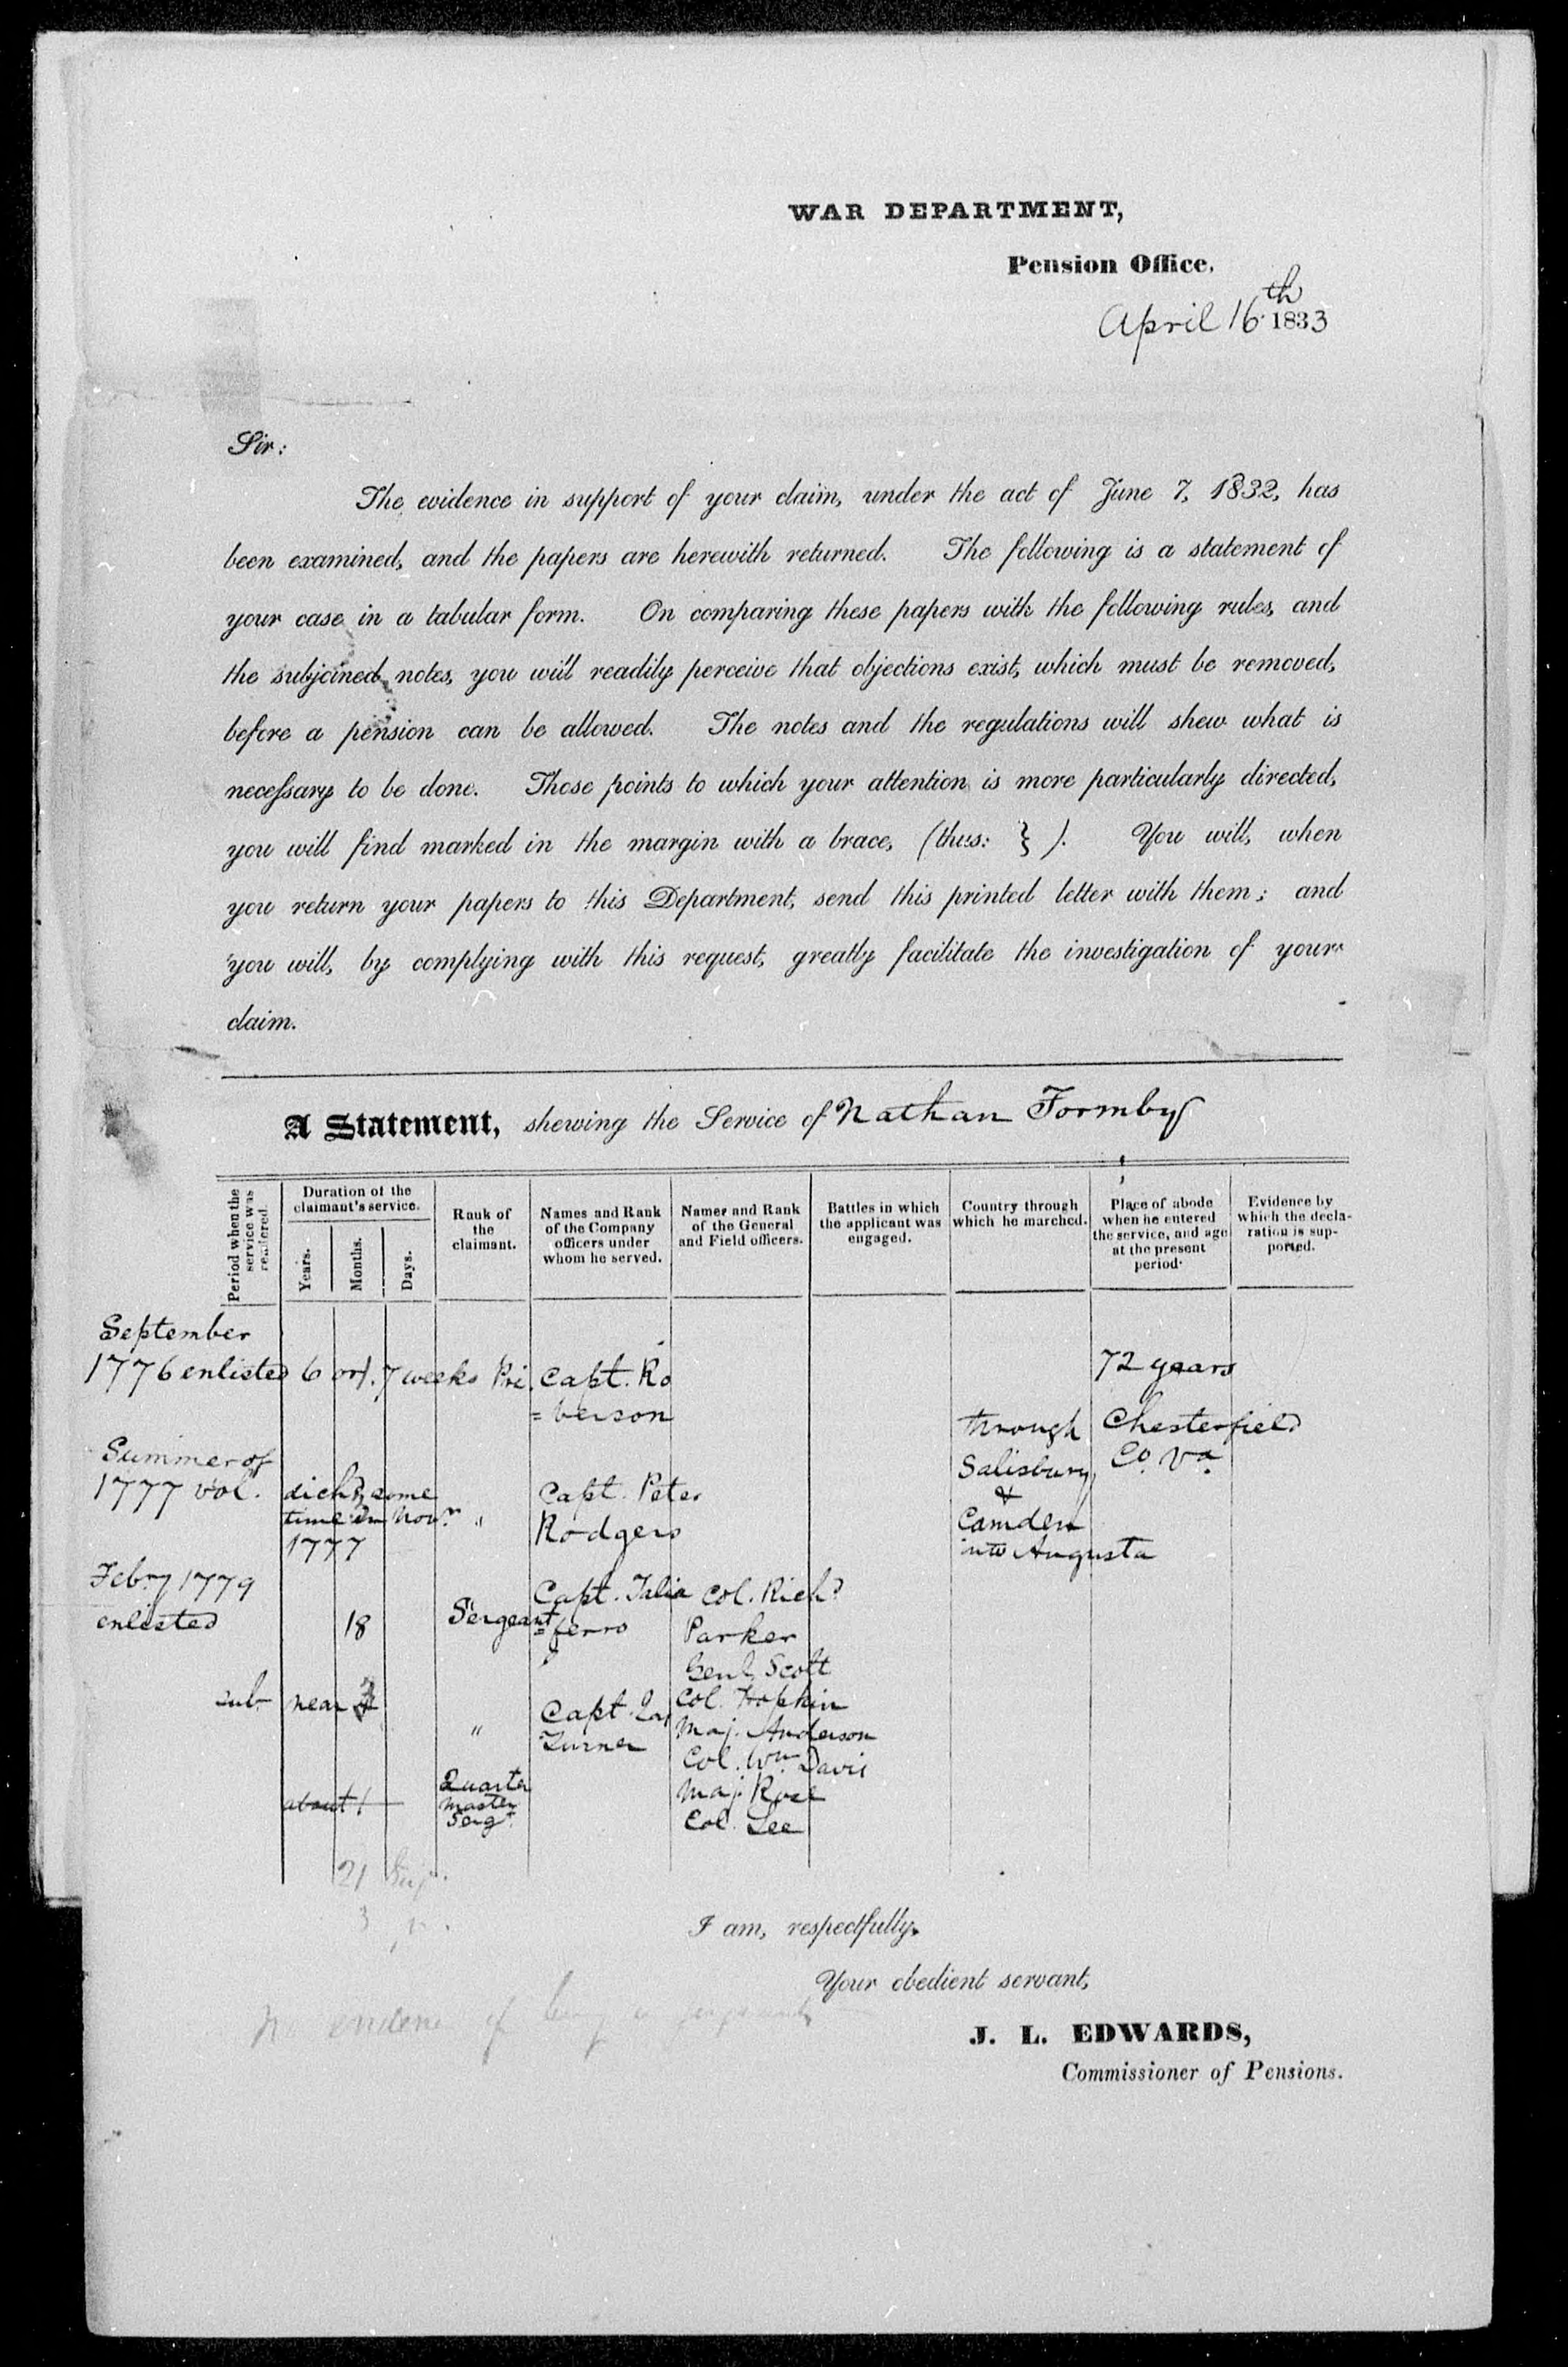WAR DEPARTMENT,
Pension Office.
April 16th 1833

Sir:
The evidence in support of your claim, under the act of June 7, 1832, has been examined, and the papers are herewith returned. The following is a statement of your case in a tabular form. On comparing these papers with the following rules, and the subjoined notes, you will readily perceive that objections exist, which must be removed, before a pension can be allowed. The notes and the regulations will shew what is necessary to be done. Those points to which your attention is more particularly directed, you will find marked in the margin with a brace, (thus: }). You will, when you return your papers to this Department, send this printed letter with them; and you will, by complying with this request, greatly facilitate the investigation of your
claim.

A Statement, shewing the Service of Nathan Formby

[column headings: Period when the service was rendered. Duration of the claimant's service Years Months Days. Rank of the claimant. Names and Rank of the Company officers under whom he served. Names and Rank of the General and Field officers. Battles in which the applicant was engaged. Country through which he marched. Place of abode when he entered the service, and age at the present period. Evidence by which the declaration is supported.]

September 1776 enlisted. 6 m 7 weeks. Pri. Capt. Roberson. [left blank]. [left blank]. through Salisbury & Camden into Augusta. 72 years Chesterfield Co. Va. [left blank].
Summer of 1777 vol. dich some time in Nov 1777. ". Capt. Peter Rodgers.
Febry 1799 enlisted. 18 months. Sergeant. Capt. Taliaferrs. Col. Richd. Parker Genl. Scott.
sub. near 3 months. ". Capt Lay Turner. Col. Tompkin Maj Anderson.
[left blank]. about 1 month. Quarter Master Serg. Capt. Lay Turner. Col. Wm. Davis Maj. Race Col. Lee.

21 Sep
3 V
[illegible] of being a [illegible]

I am, respectfully, Your obedient servant,
J. L. EDWARDS, Commissioner of Pensions.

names: Lee, J L Edwards, Wm Davis, Rose, Nathan Formby, Roberson, Anderson, Jas Turner, Richd Parker, Hopkin, Scott, Taliaferro, Peter Rodgers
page: 22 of 54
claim: widow's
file: W. 3794, Nathan Formby, Va.